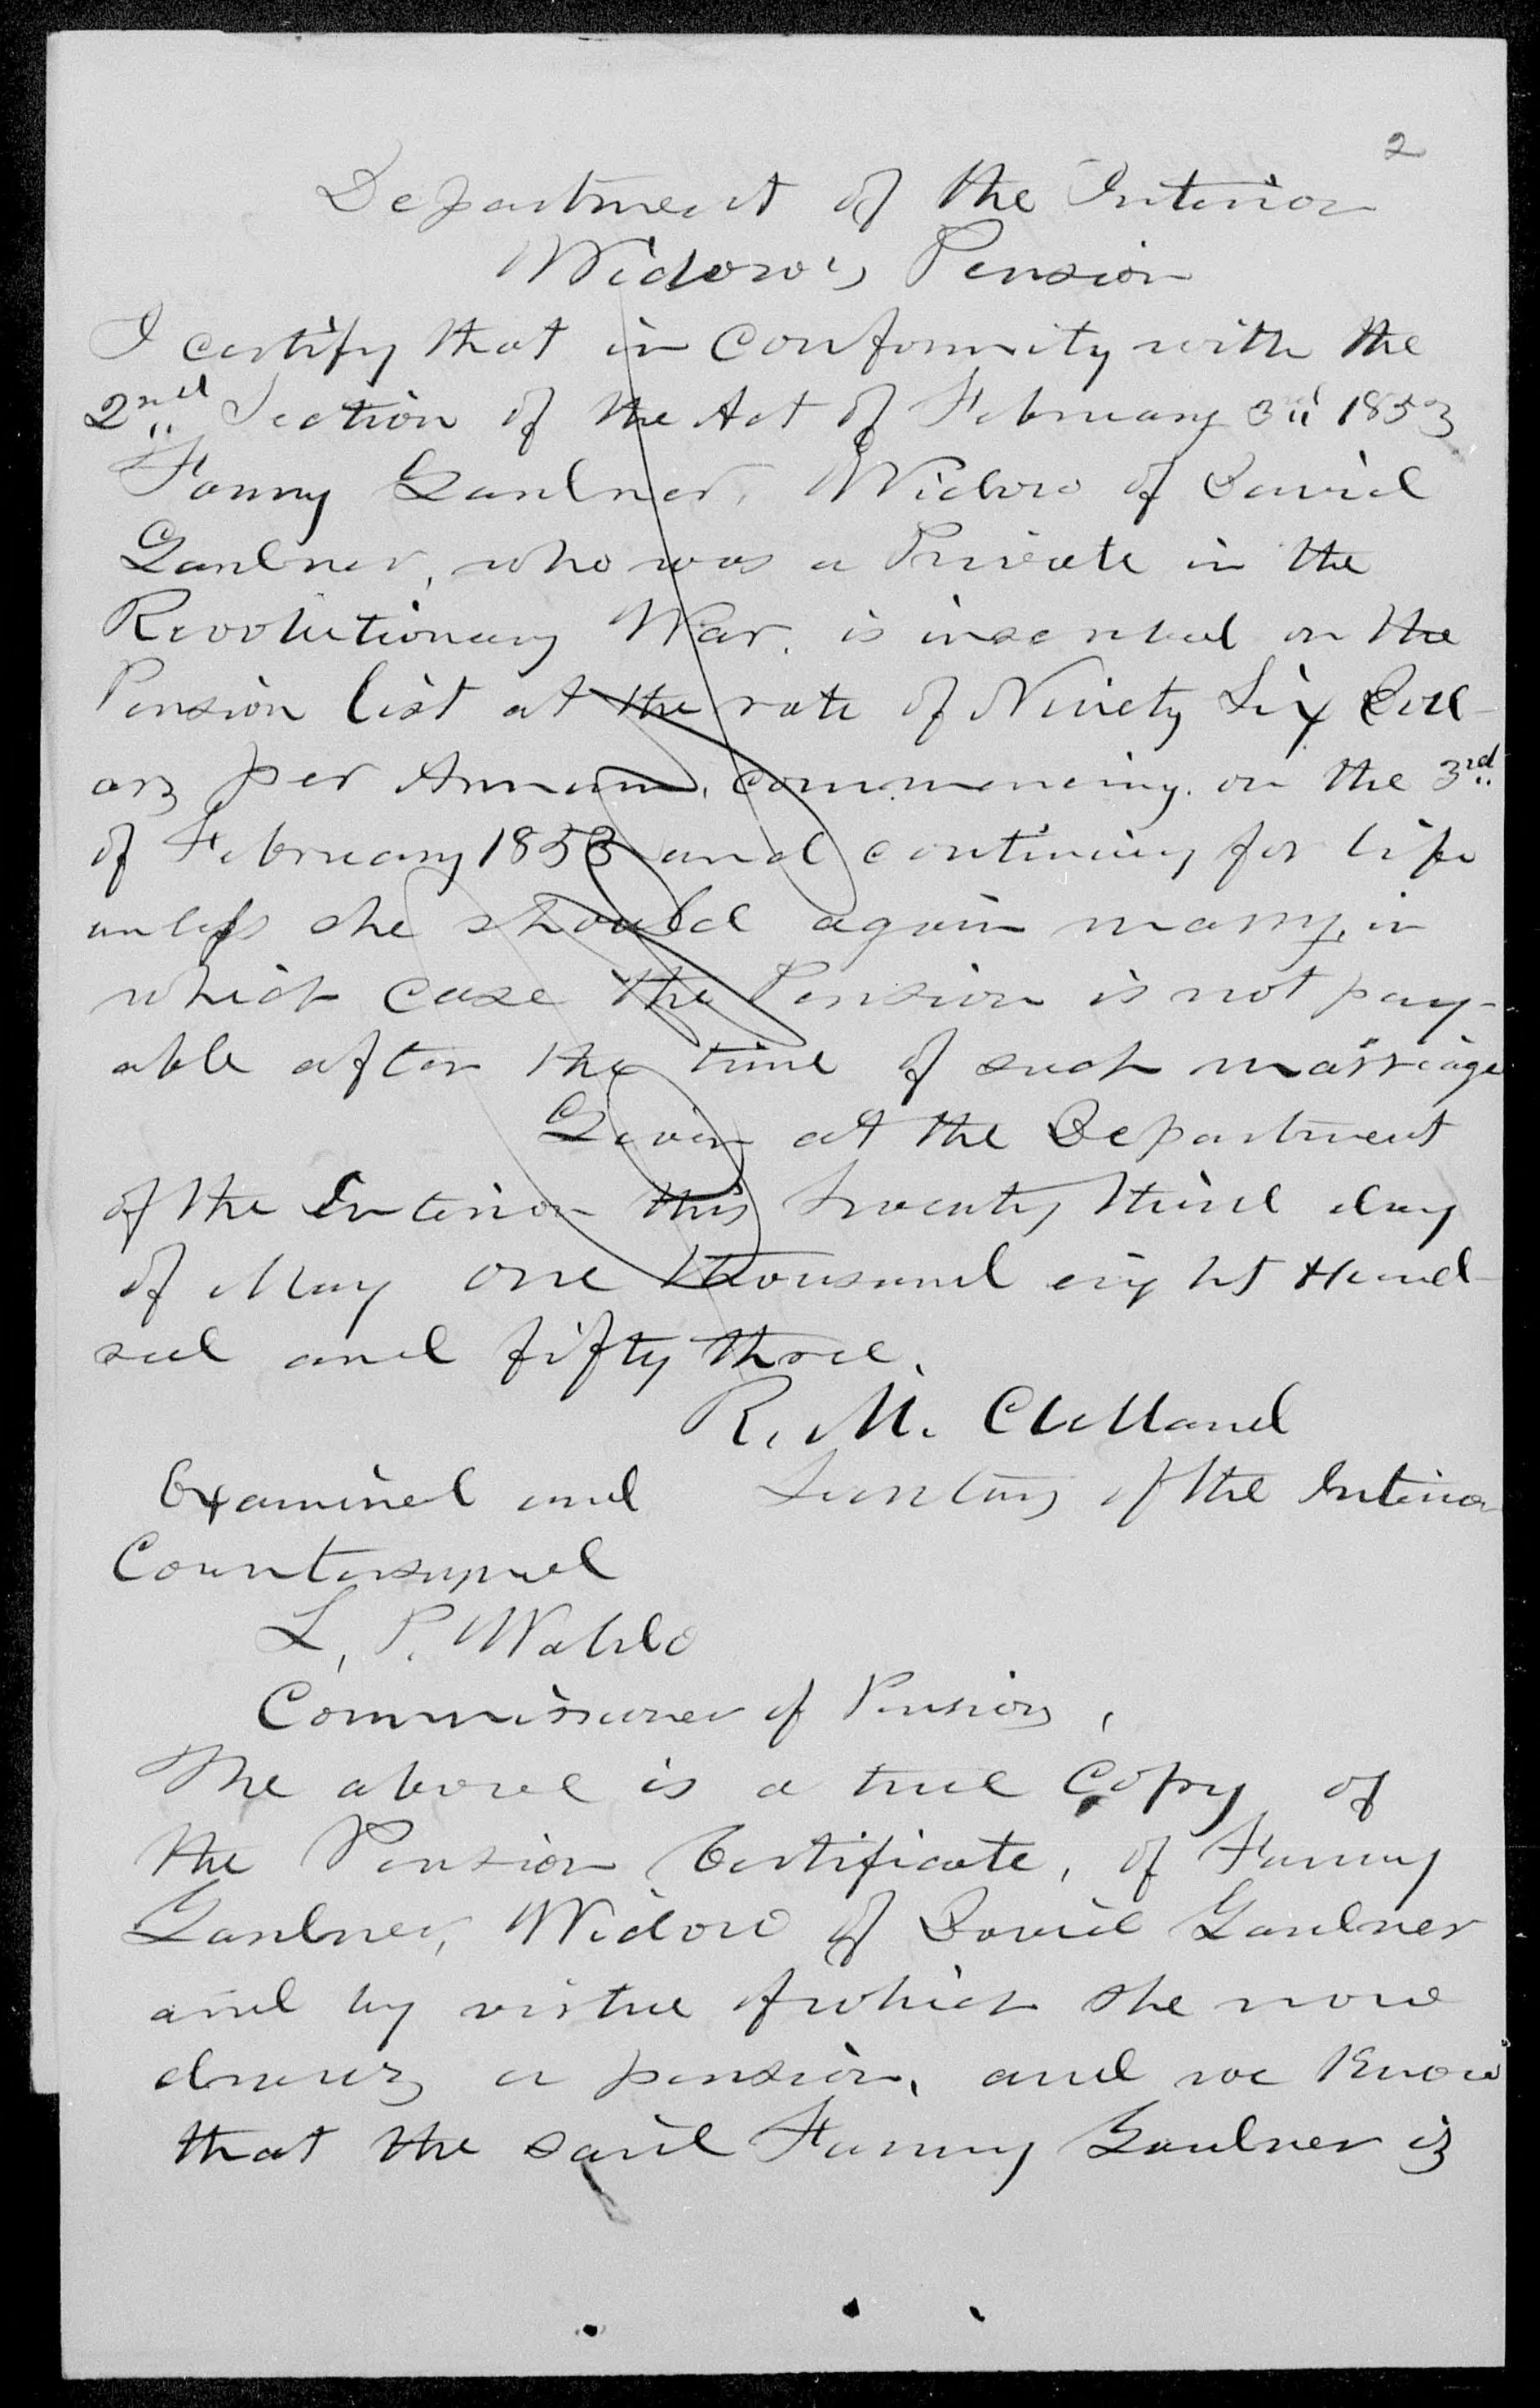Copy {written vertically across document]

2
Department of the Interior
Widow's Pension
I certify that in conformity with the 2nd Section of the Act of February 3rd 1853, Fanny Gardner, Widow of David Gardner, who was a Private in the Revolutionary War, is inscribed on the Pension List at the rate of Ninety Six dollars per Annum, commencing on the 3rd of February 1853 and continuing for life unless she should again marry, in which case the Pension is not payable after the time of such marriage.
Given out the Department of the Interior this Twenty Third day of May one thousand eight hundred and fifty three.
R. McClelland
Secretary of the Interior

Examined and Countersigned
L. P. Waldo
Commissioner of Pension

The above is a true copy of the Pension Certificate, of Fanny Gardner, Widow of David Gardner and by virtue of which she now claims a pension, and we know that the said Fanny Gardner is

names: Fanny Gardner, Fanny Gardner, David Gardner, Fanny Gardner, R M Clelland, L P Waldo, David Gardner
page: 13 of 66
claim: widow's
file: W 1850, David Gardner, Conn.